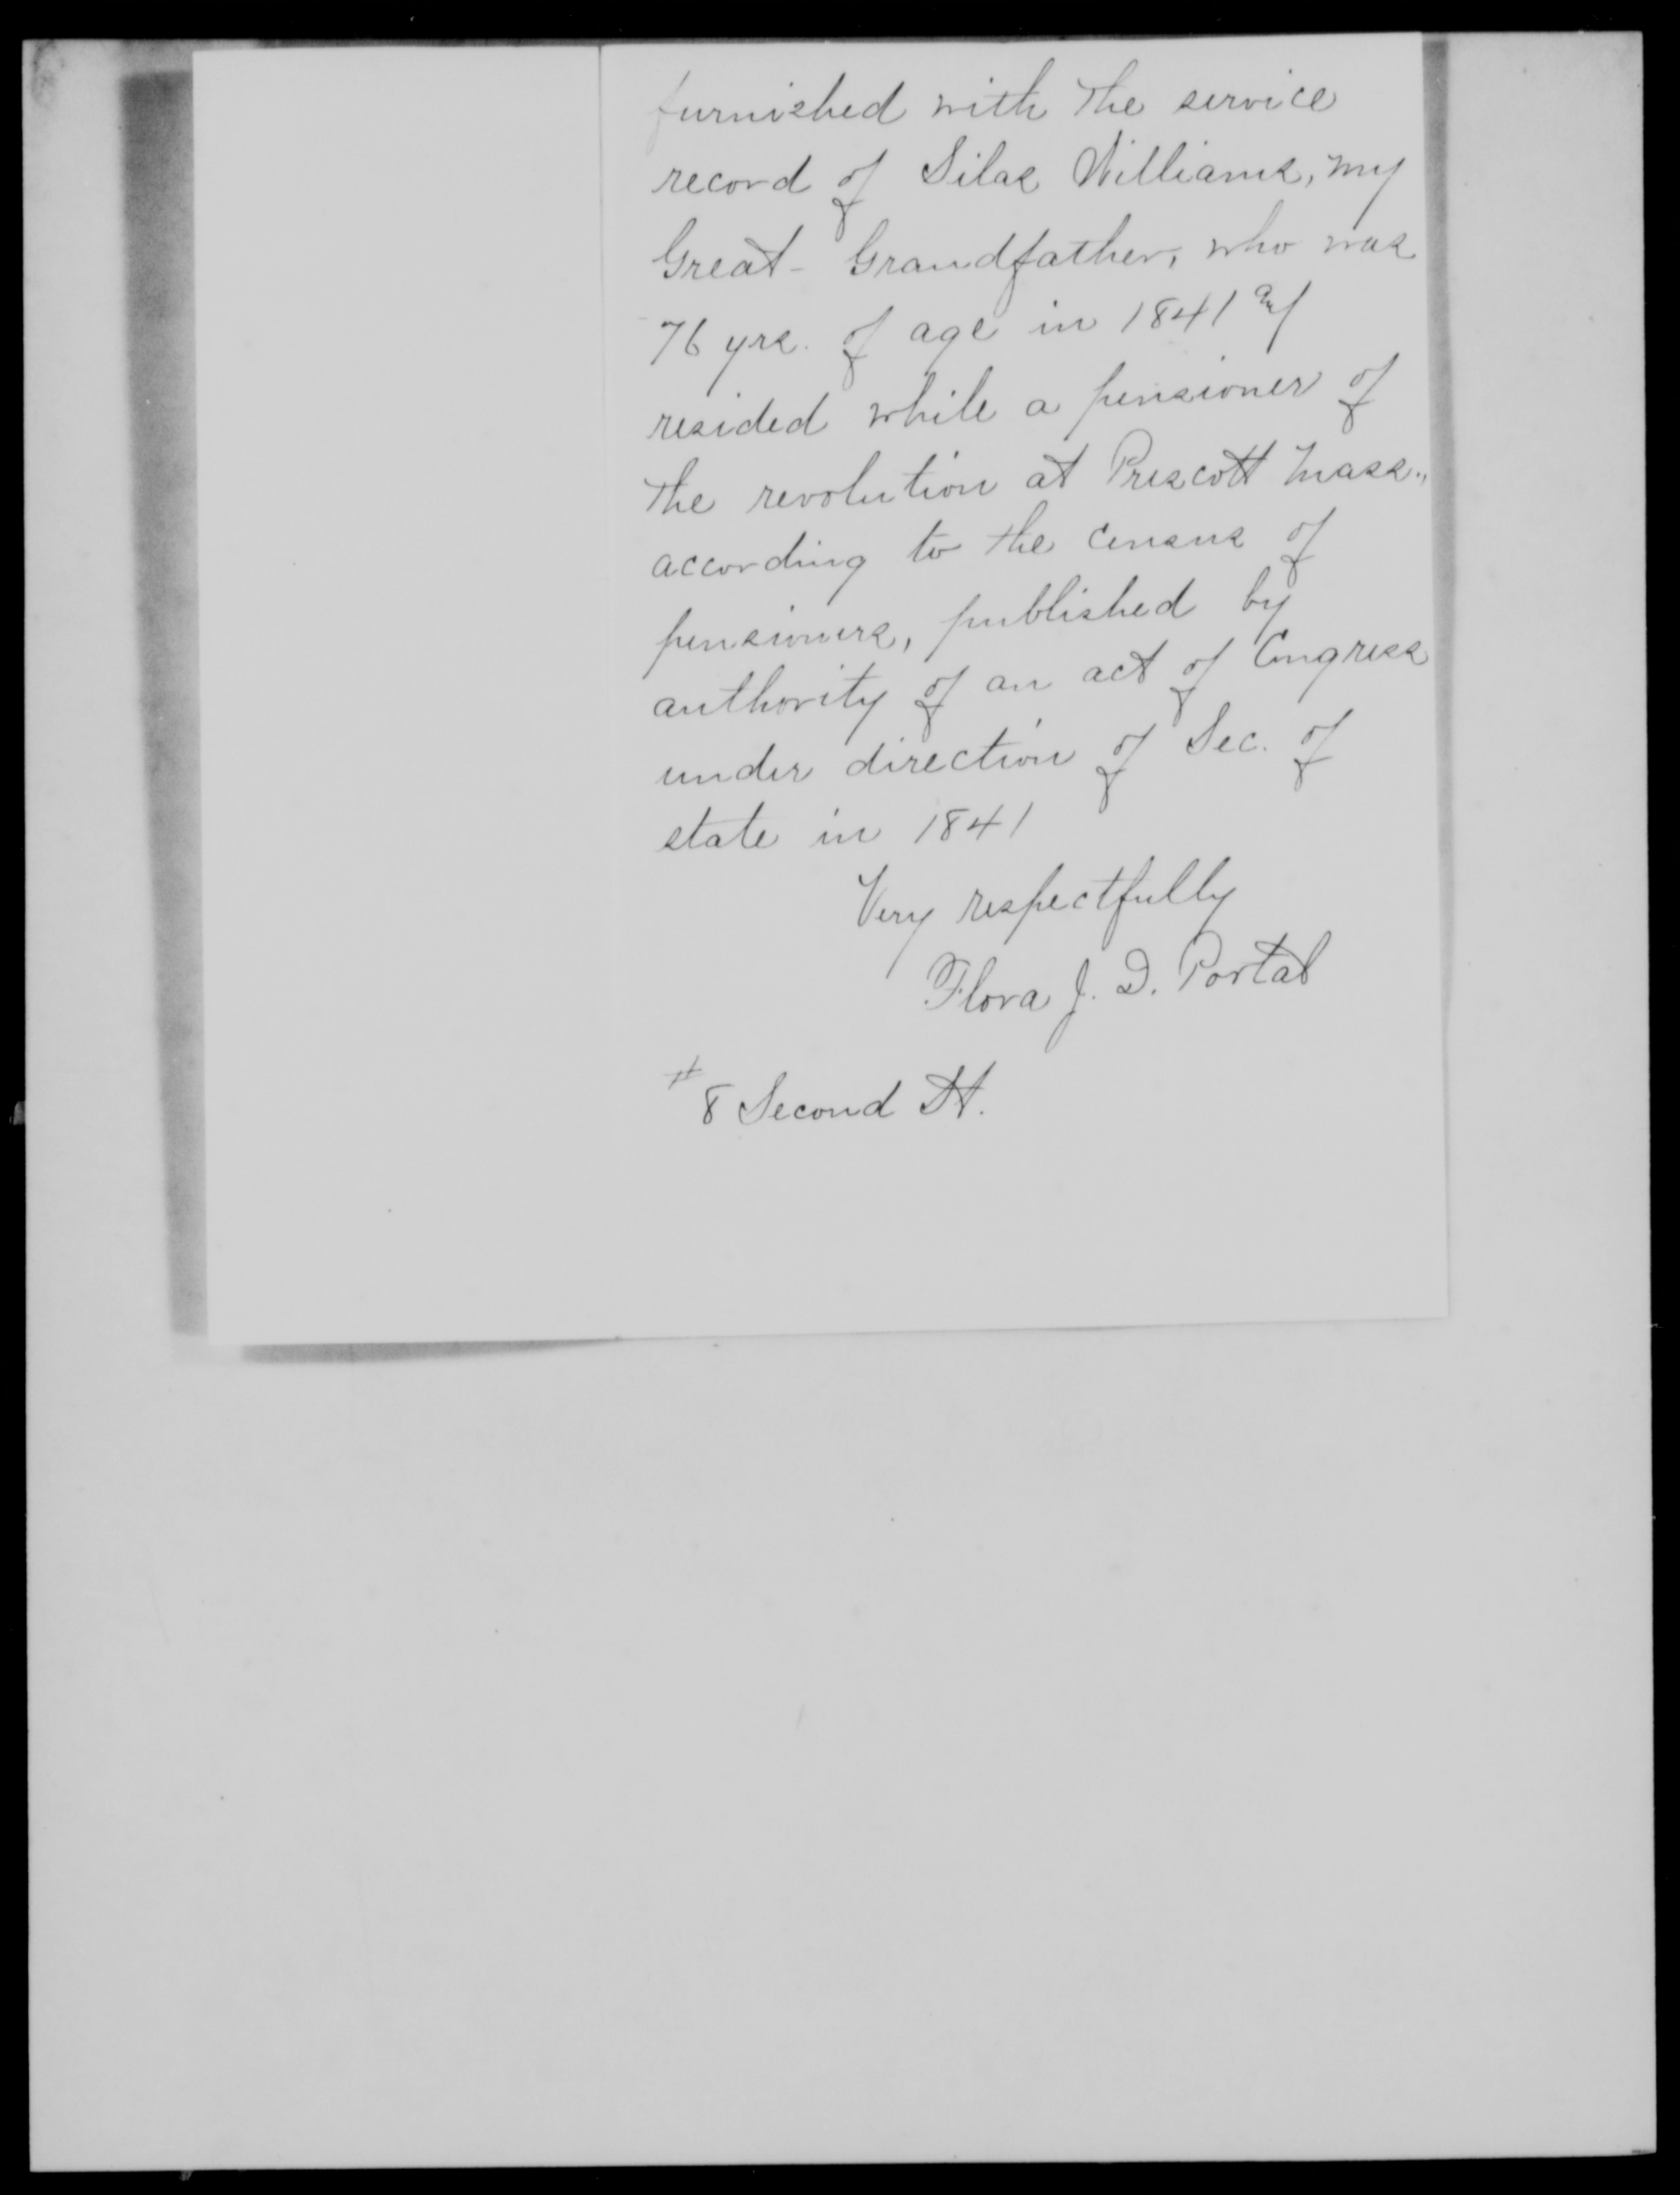furnished with the service record of Silas Williams, my Great Grandfather who was 76 years of age in 1841 and resided while a pensioner of the revolution at Prescott Mass according to the census of pensioners published by authority of an act of Congress under direction of Sec of state in 1841
Very respectfully 
Flora JD Portal
#8 Second St.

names: Flora J D Portal, Silas Williams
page: 16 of 20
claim: survivor's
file: S. 11778, Silas Williams, Mass.